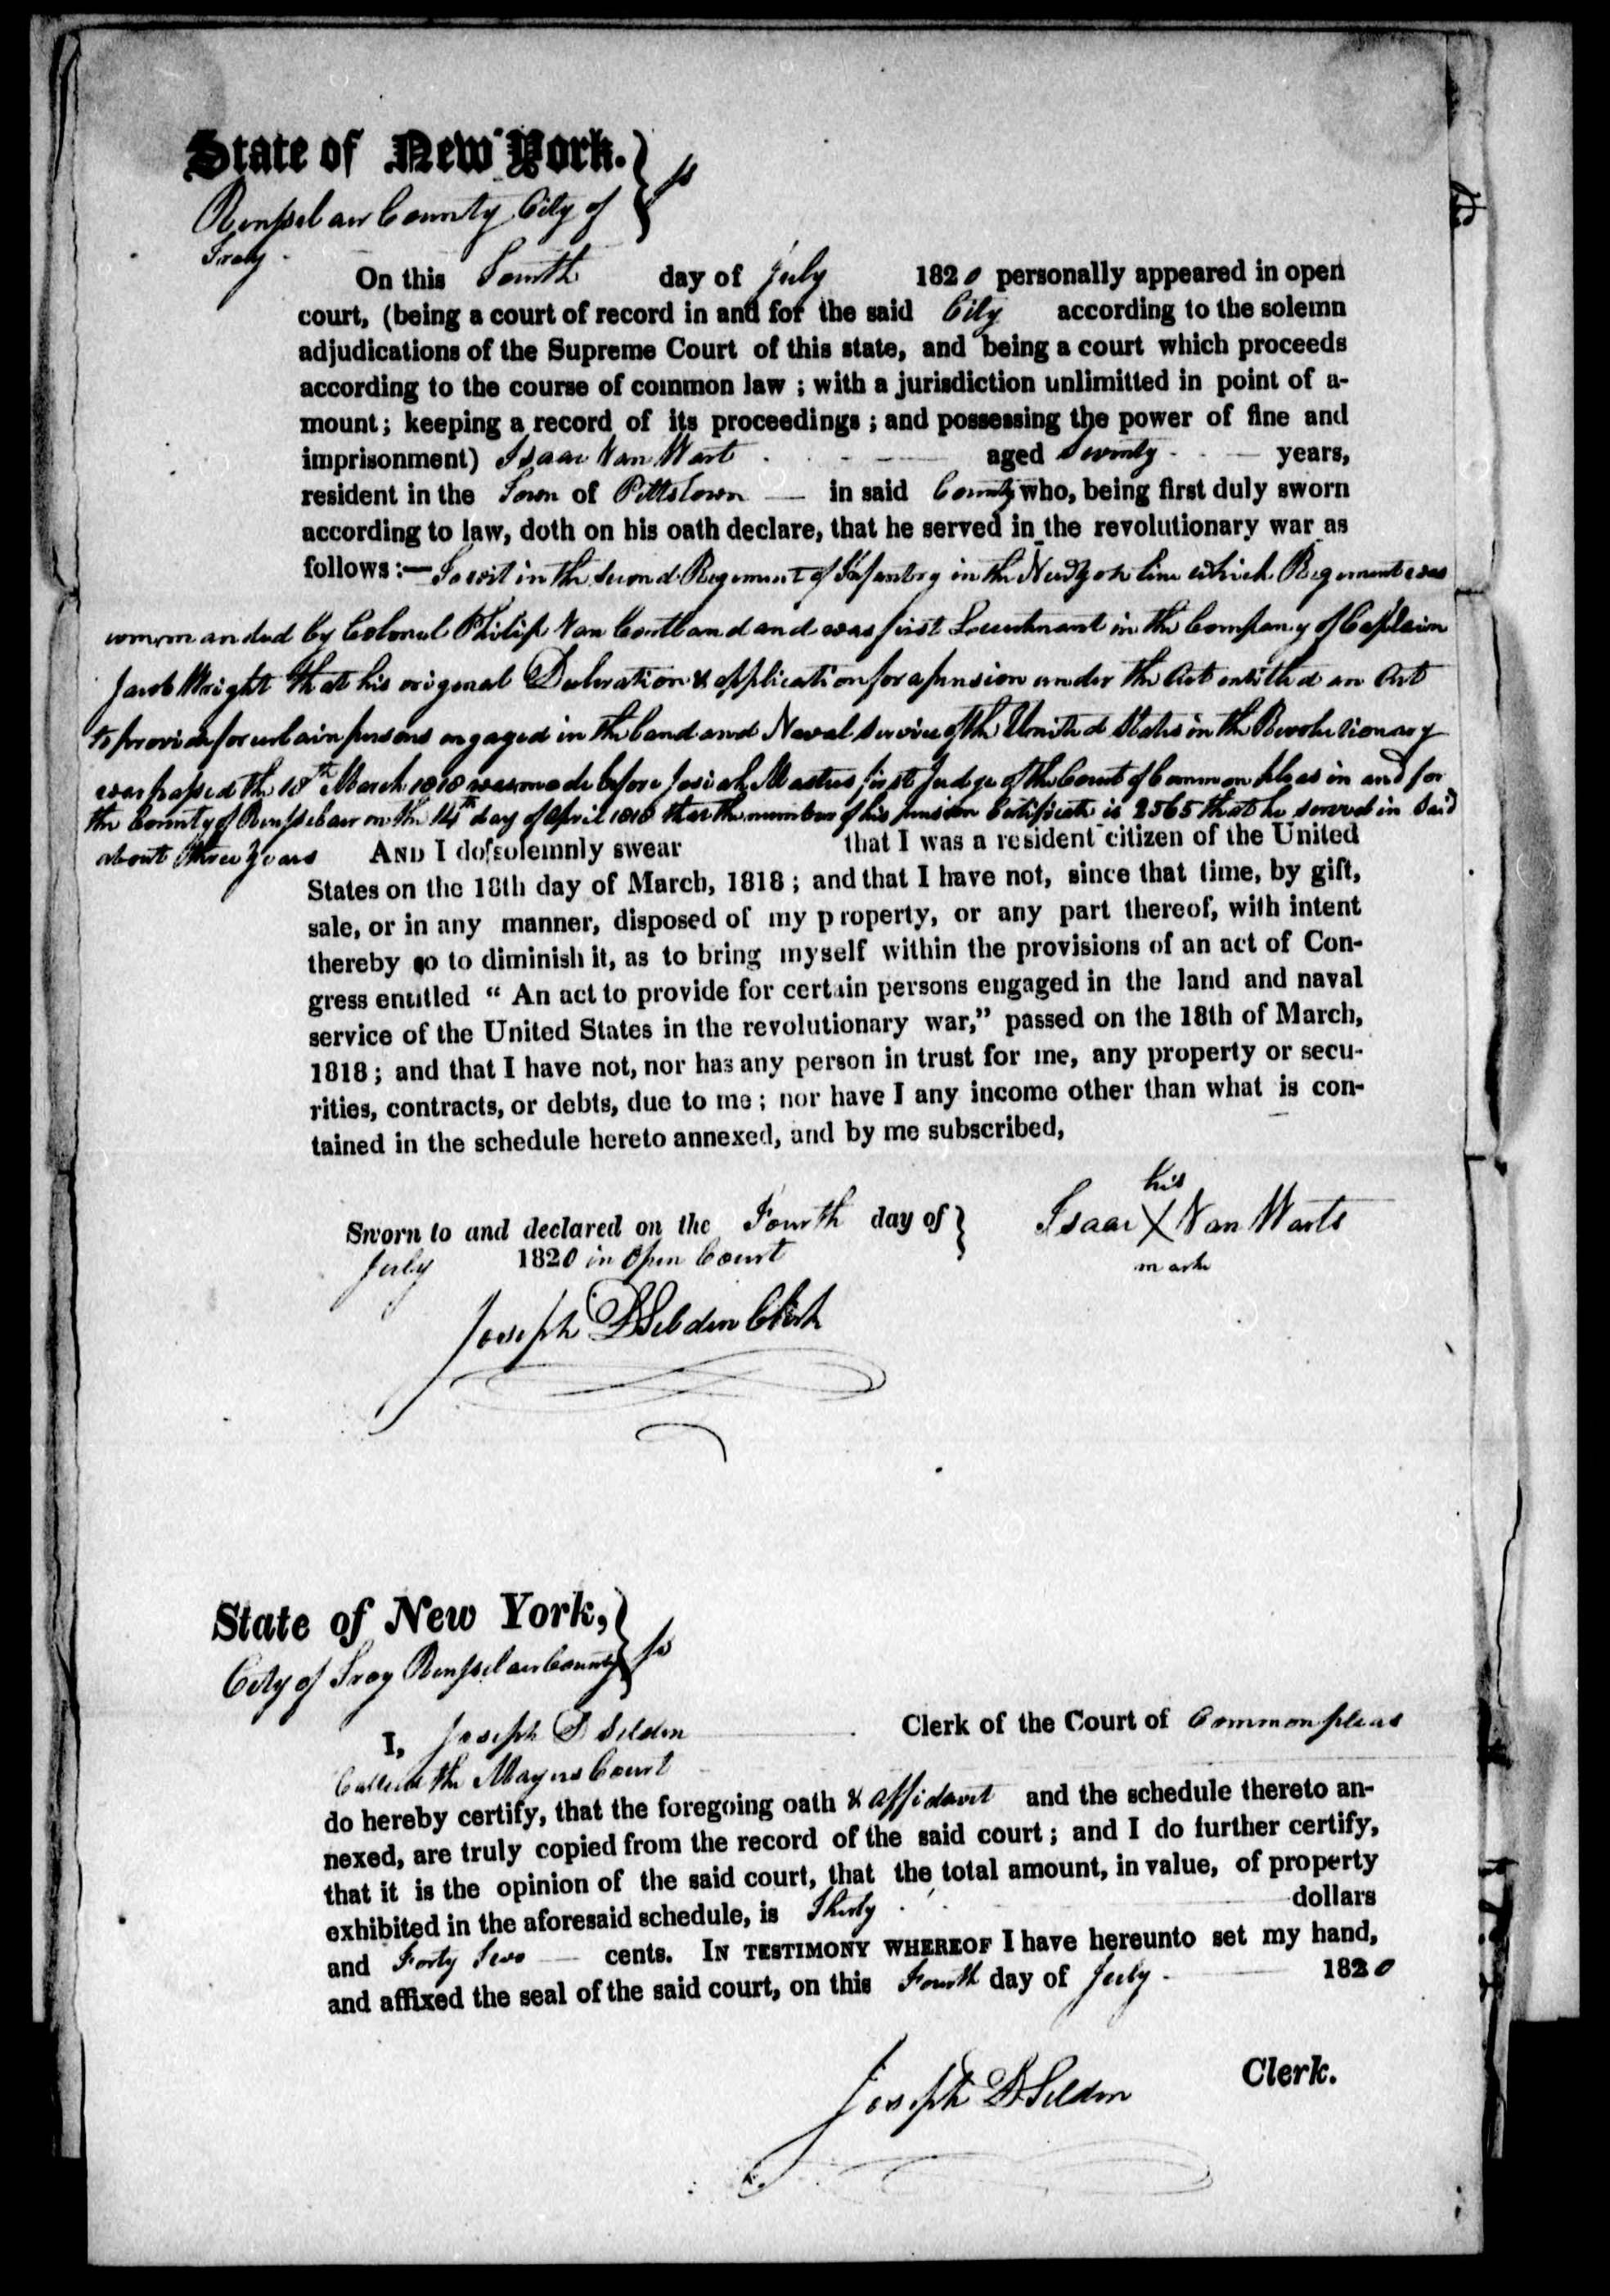State of New York. 
Rensselaer County City of Troy } ss  On this fourth day of July 1820 personally appeared in open court, (being a court of record in and for the said City according to the solemn adjudications of the Supreme Court of this state, and being a court which proceeds according to the course of common law; with a jurisdiction unlimited in point of amount; keeping a record of its proceedings; and possessing the power of fine and imprisonment) Isaac Van Wart. --- aged seventy years, resident in the Town of Pittstown in said County who being first duly sworn according to law, doth on his oath declare, that he served in the revolutionary war as follows:-To wit in the second Regiment of Infantry in the New York line which Regiment was commanded by Colonel Philip Van Cortland and was first Lieutenant in the Company of Captain Jacob Wright that his original Declaration & application for a pension under the Act entitled an Act to provide for certain persons engaged in the land and Naval service of the United States in the Revolutionary war passed the 18th March 1818 was made before Josiah Masters first Judge of the Court of Common pleas in and for the County of Rensselaer on the 14th day of April 1818 that the number of his pension Certificate is 2565 that he served in said about three years
AND I do solemnly swear that I was a resident citizen of the United States on the 18th day of March, 1818; and that I have not, since that time, by gift, sale, or in any manner, disposed of my property, or any part thereof, with intent thereby so to diminish it, as to bring myself within the provisions of an act of Congress entitled "An act to provide for certain persons engaged in the land and naval service of the United States in the revolutionary war,” passed on the 18th of March, 1818; and that I have not, nor has any person in trust for me, any property or securities , contracts, or debts, due to me; nor have I any income other than what is contained in the schedule hereto annexed, and by me subscribed, 
[signed] Isaac Van Wart X his mark
Sworn to and declared on the Fourth day of July 1820 in open Court 
[signed] Joseph D Selden Clerk 

State of New York, 
City of Troy Rensselaer County } ss
I, Joseph D Selden Clerk of the Court of Common Pleas Called the Mayors Court do hereby certify, that the foregoing oath & affidavit and the schedule thereto annexed , are truly copied from the record of the said court; and I do further certify, that it is the opinion of the said court, that the total amount, in value, of property exhibited in the aforesaid schedule, is Thirty dollars and Forty five cents. IN TESTIMONY WHEREOF I have hereunto set my hand, and affixed the seal of the said court, on this fourth day of July 1820 
[signed] Joseph D Selden  Clerk.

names: Isaac Van Warts, Joseph D Selden, Isaac Van Wart, Joseph D Selden, Joseph D Selden, Jacob Wright, Smith, Philip Van Cortland, Josiah Masters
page: 85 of 102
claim: widow's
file: W. 18239, Isaac Van Wart, New York